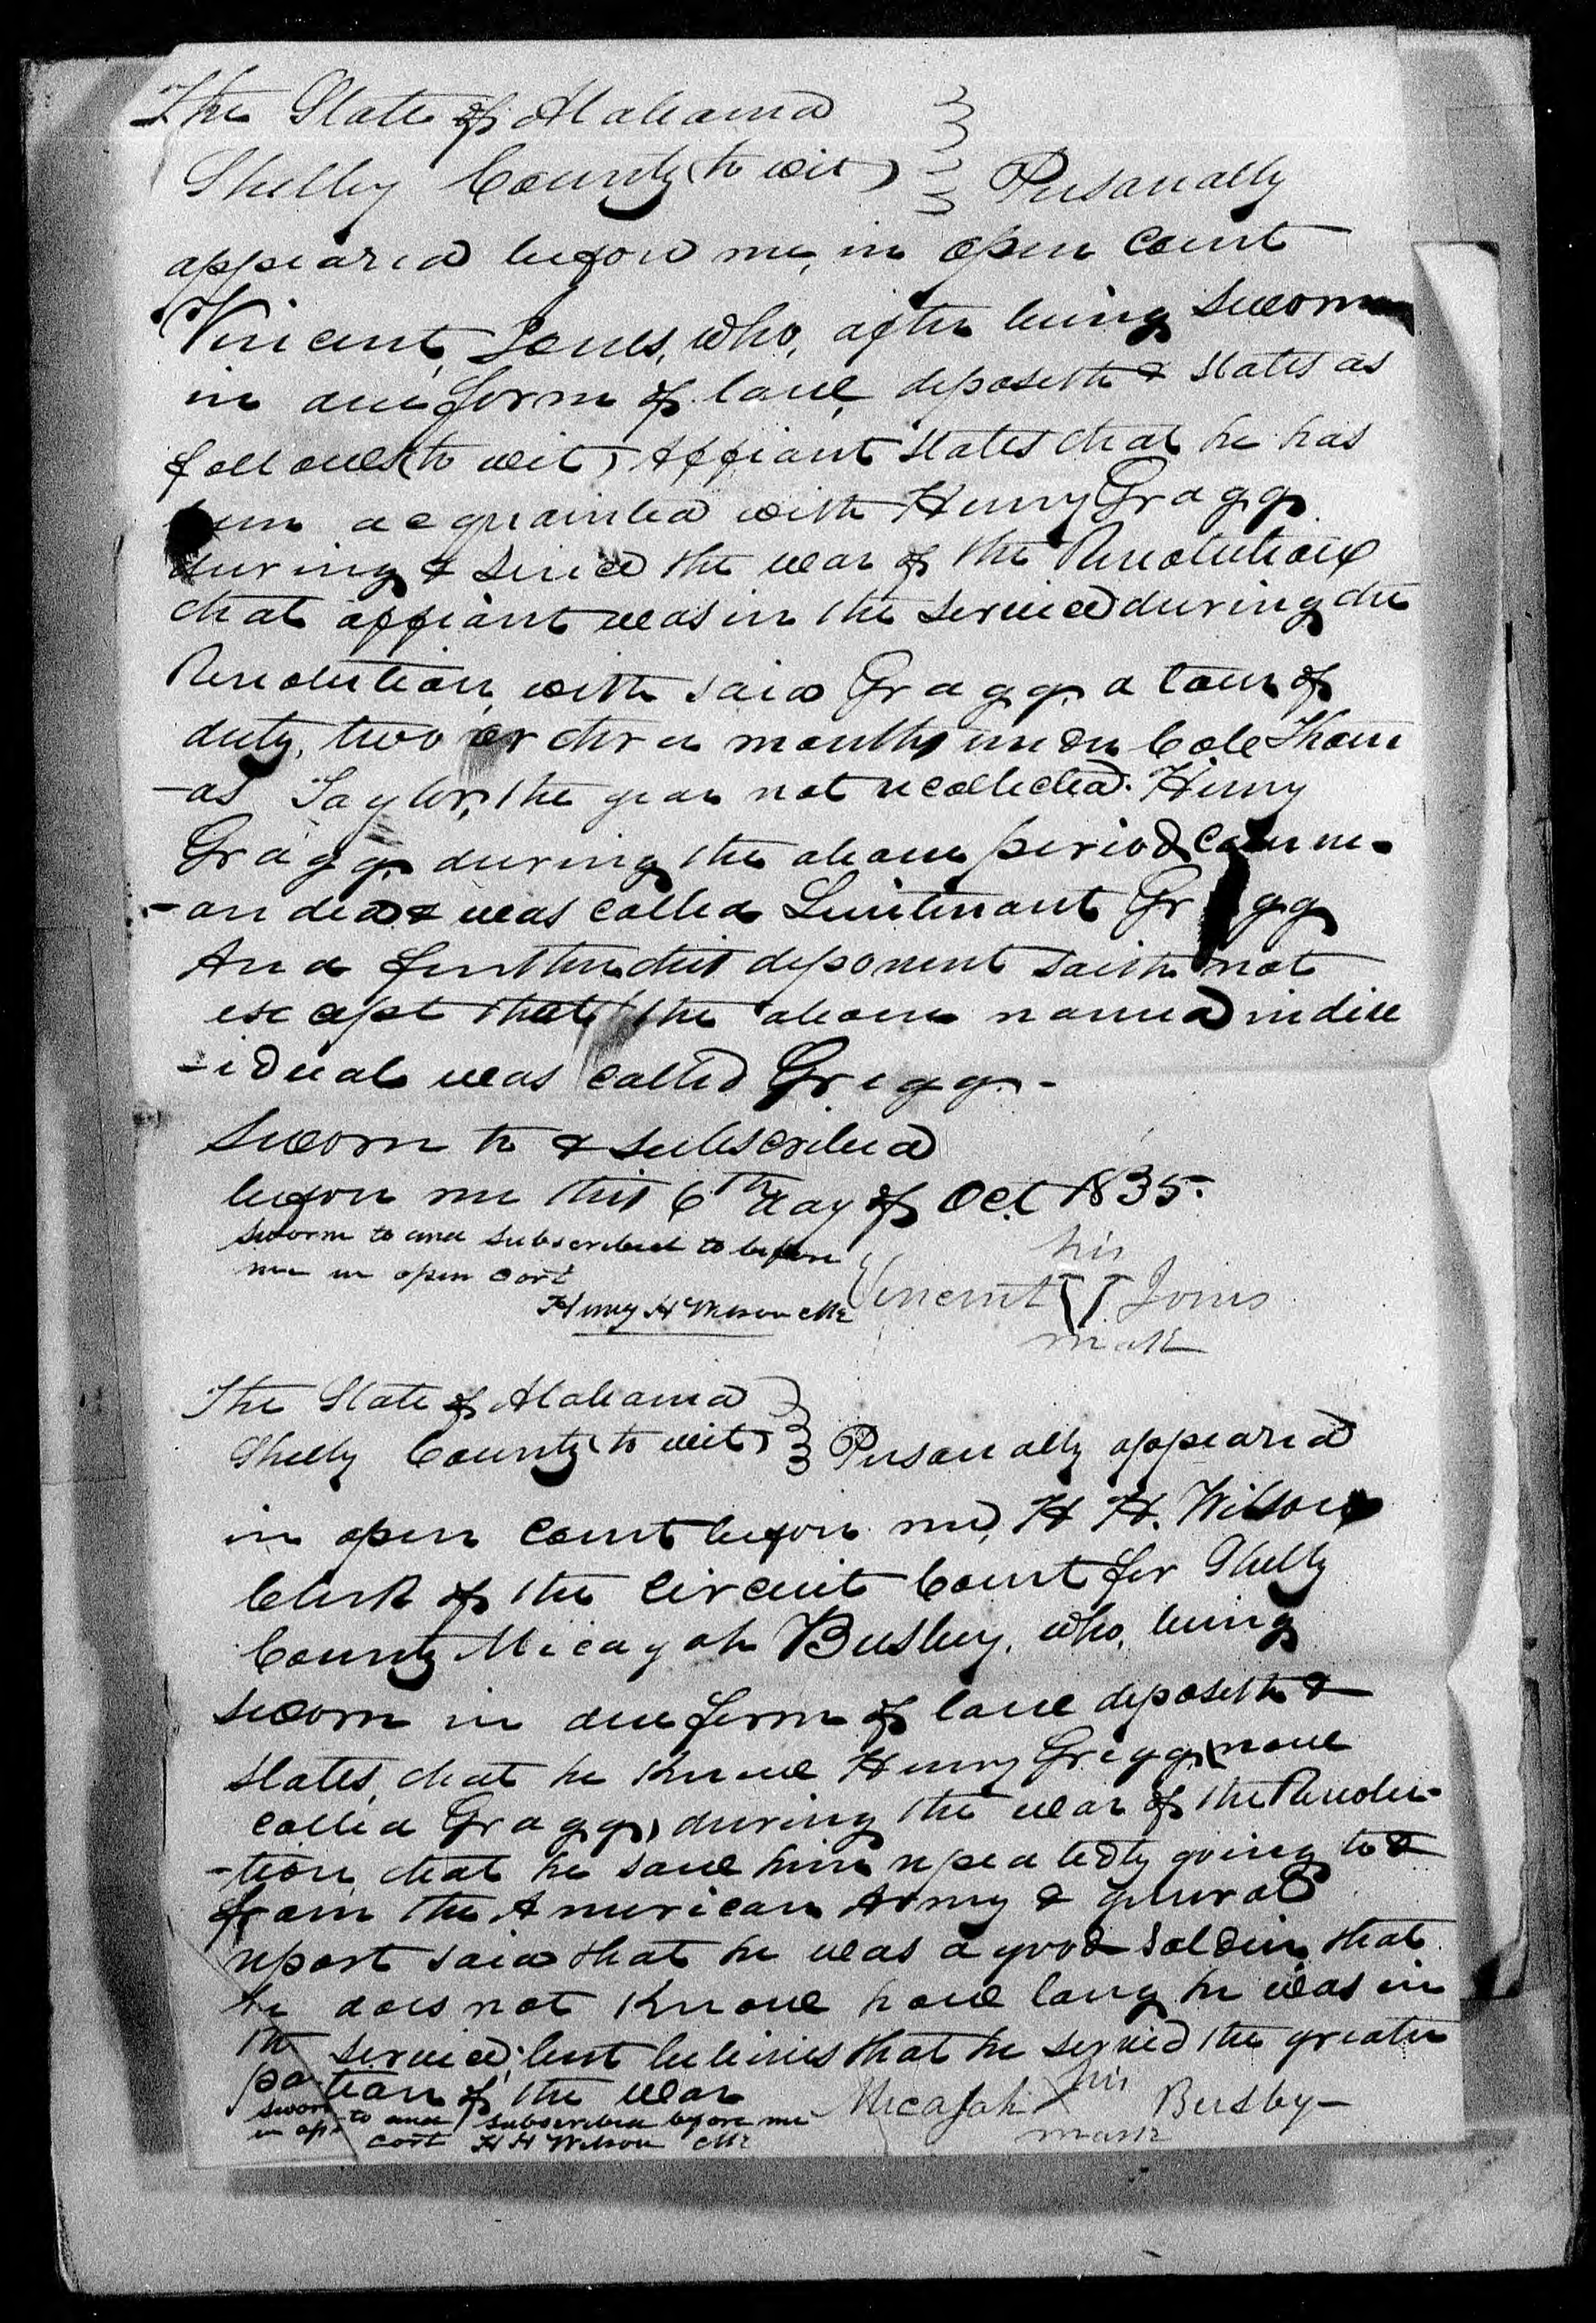[ The State of Alabama Shelby County  ] Personally  appeared before me in open Court  Vincent Jones  who after being duly sworn  in due form of law  deposeth  & states as of all to wit affiant states that he has been acquainted with  Henry Gragg during and since the war of the Revolution that affiant  was in the service during the Revolution with said Gragg a tour of duty , two or  three months under Col. Thomas Taylor, the year not recollected. Henry Gragg  during the above period  commanded  & was called Lieutenant  Gragg  and further this deponent saith not. except  that the above named  individual was called  Gregg. Sworn  to  & subscribed  before me this 6th day of Oct. 1835 .  Sworn to and subscribed before me in open Court.  Vincent Jones ( his mark V )  Henry H Wilson ( signed ) clk  [ The State of Alabama Shelby County ] Personally appeared in open Court before me H. H. Wilson  clerk of the Circuit Court  for  Shelby County  Micajah  Busby  who being sworn in due form of law  deposeth  & states that he knew Henry Gregg ( now called Gragg )  during the   Revolution that he  saw him in said duty  going to and from  the American Army  & general in part said that he was a good soldier  that he does not know how long he was in the service but believes that he served the greater portion of the  War. Sworn to  and subscribed before me in open Court . H H Wilson ( signed ) clk  Micajah Busby ( his mark X)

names: Vincent Jones, Henry H Wilson, Henry Gregg, Vincent Jones, Gragg, Gregg, Thomas Taylor, Micajah Busby, Gragg, Henry Gragg, H H Wilson, Micajah Busby, H H Wilson, Henry Gragg, Gragg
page: 12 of 18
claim: survivor's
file: S. 10,773, Henry Gragg, S.C.